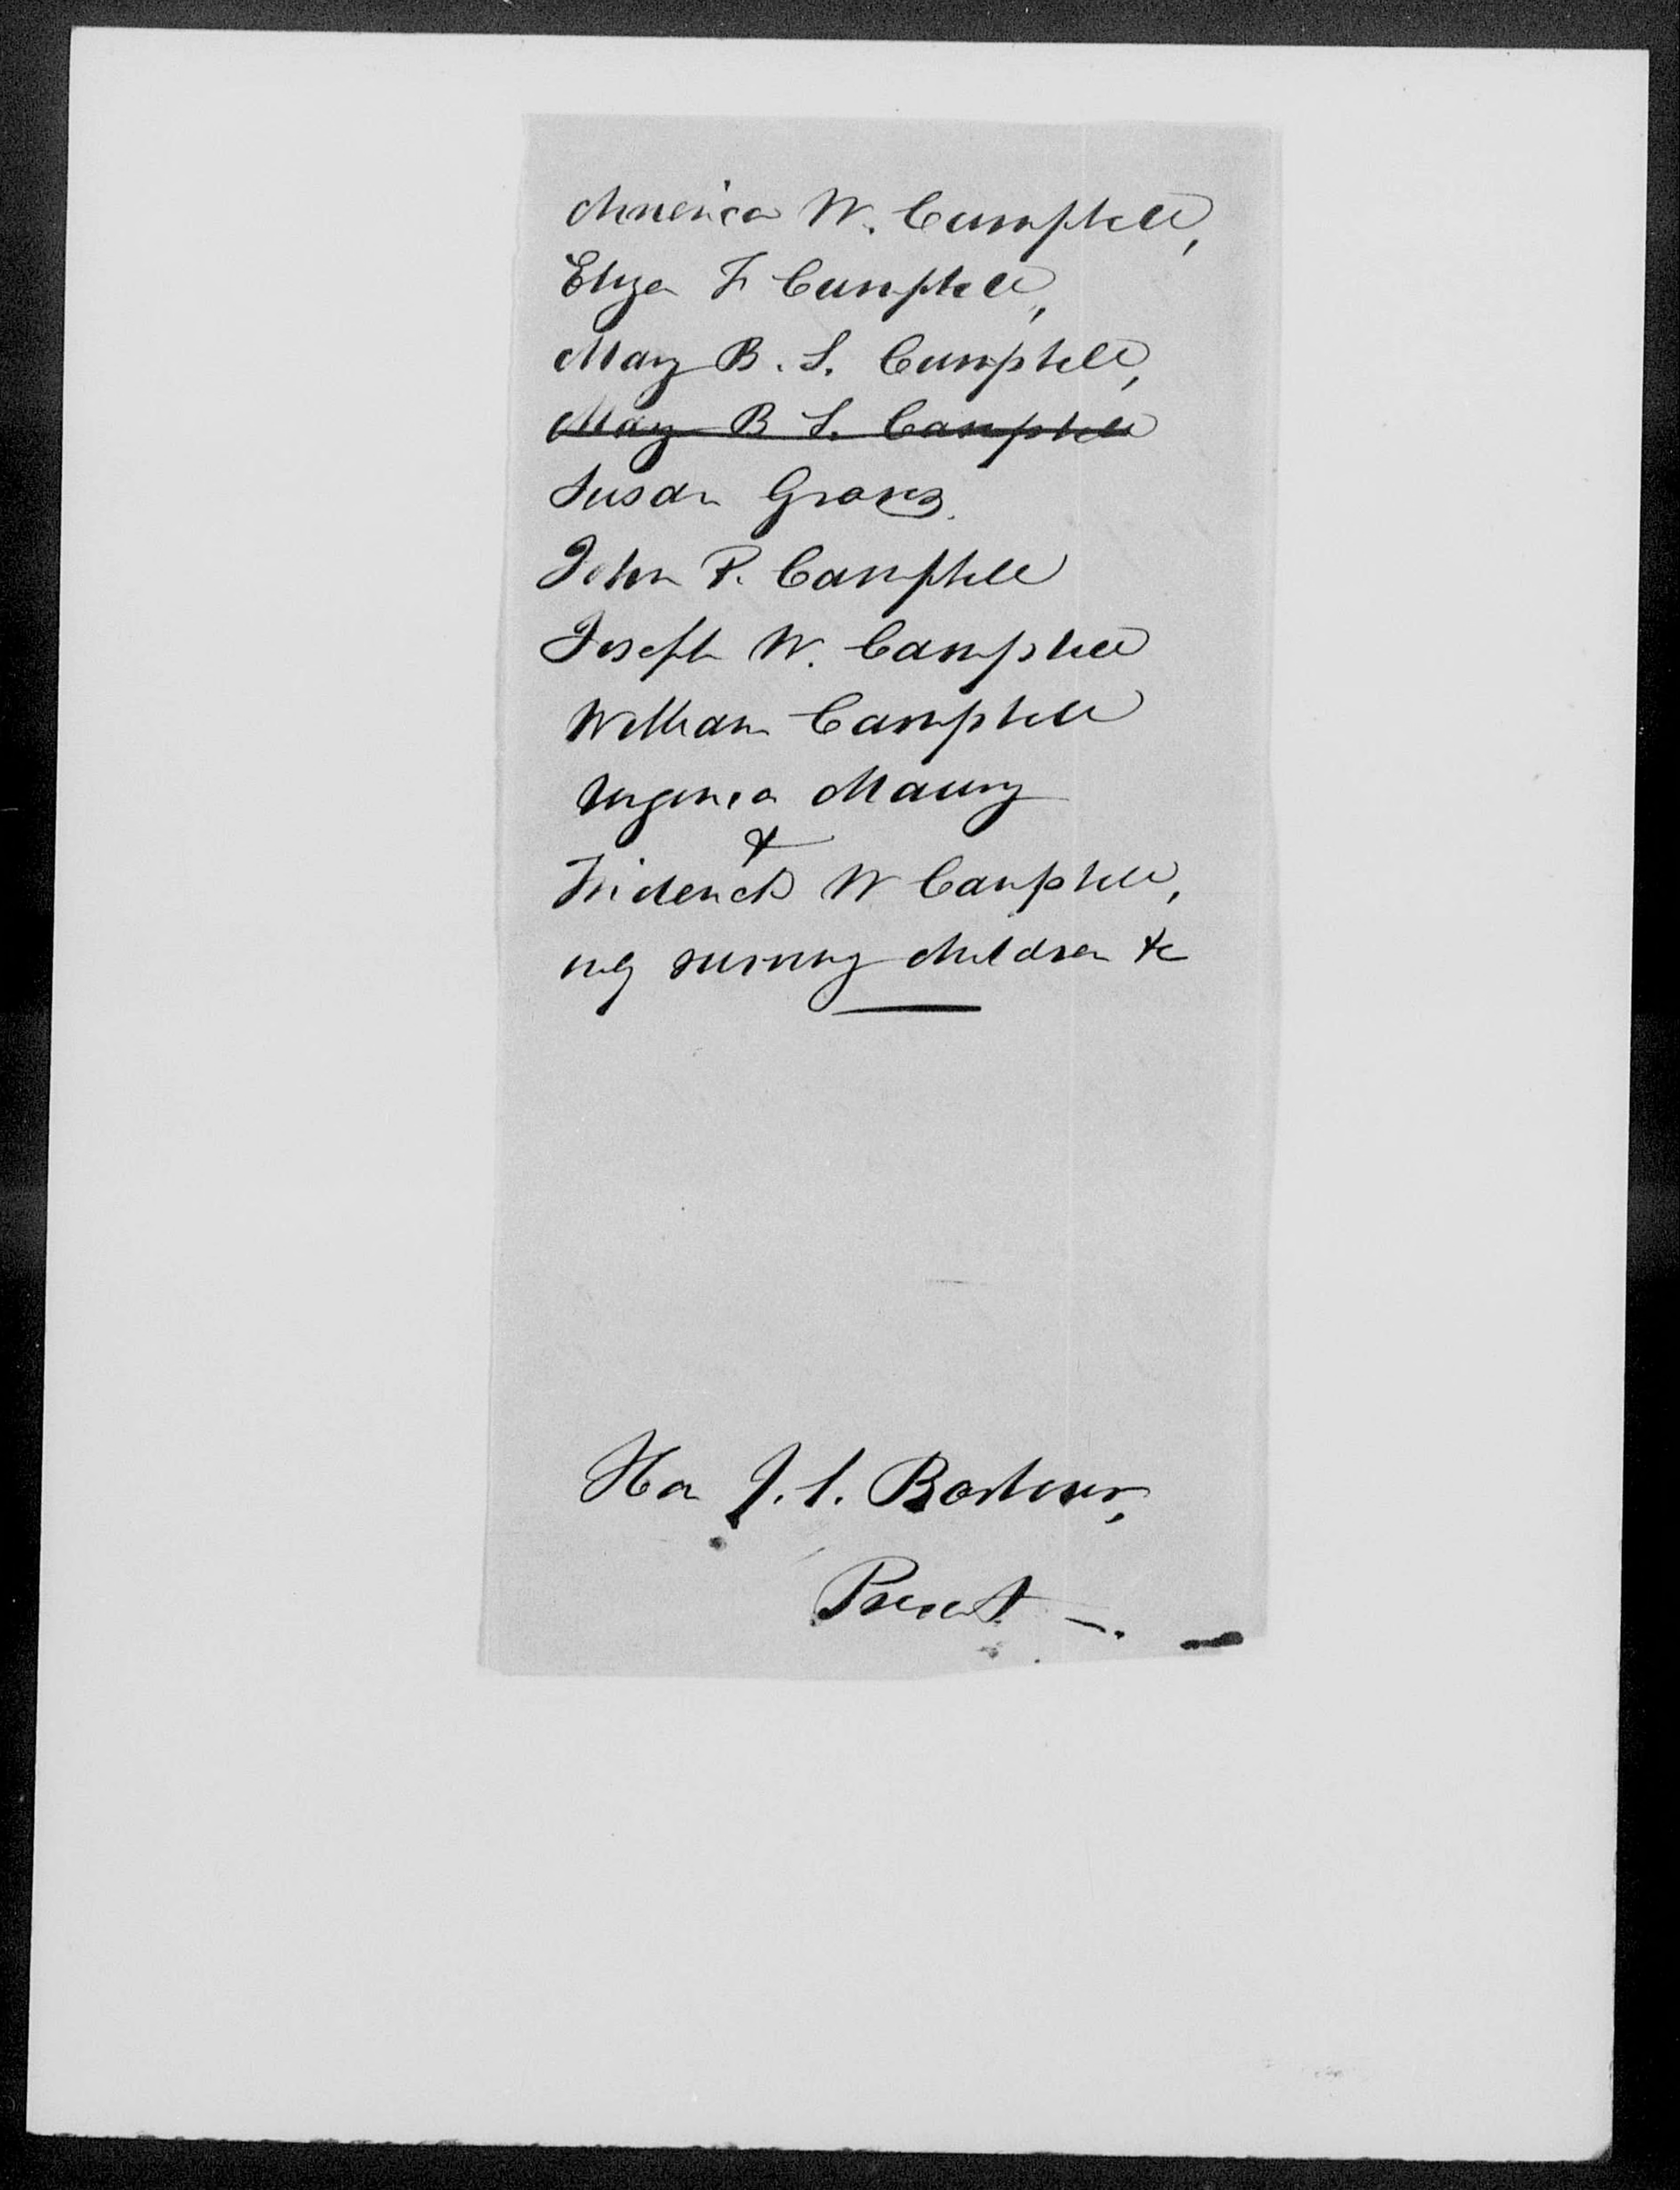America W. Campbell,
Eliza F Campbell,
Mary B. T. Campbell,
[cross out] Mary B. T. Campbell [cross out end]
Susan Graves,
John P. Campbell
Joseph W. Campbell
William Campbell
Virginia Maury 
+[and]
Frederick. W. Campbell, 
only surviving children +c [et cetera]


Hon. J S. Barbour,
Present __.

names: Mary B T Campbell, Eliza F Campbell, Mary B T Campbell, J S Barbour, Joseph W Campbell, Virginia Maury, Susan Graves, William Campbell, John P Campbell, America W Campbell, Frederick W Campbell, W G Murray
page: 41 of 267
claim: widow's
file: W. 4,149, William Campbell, Va.